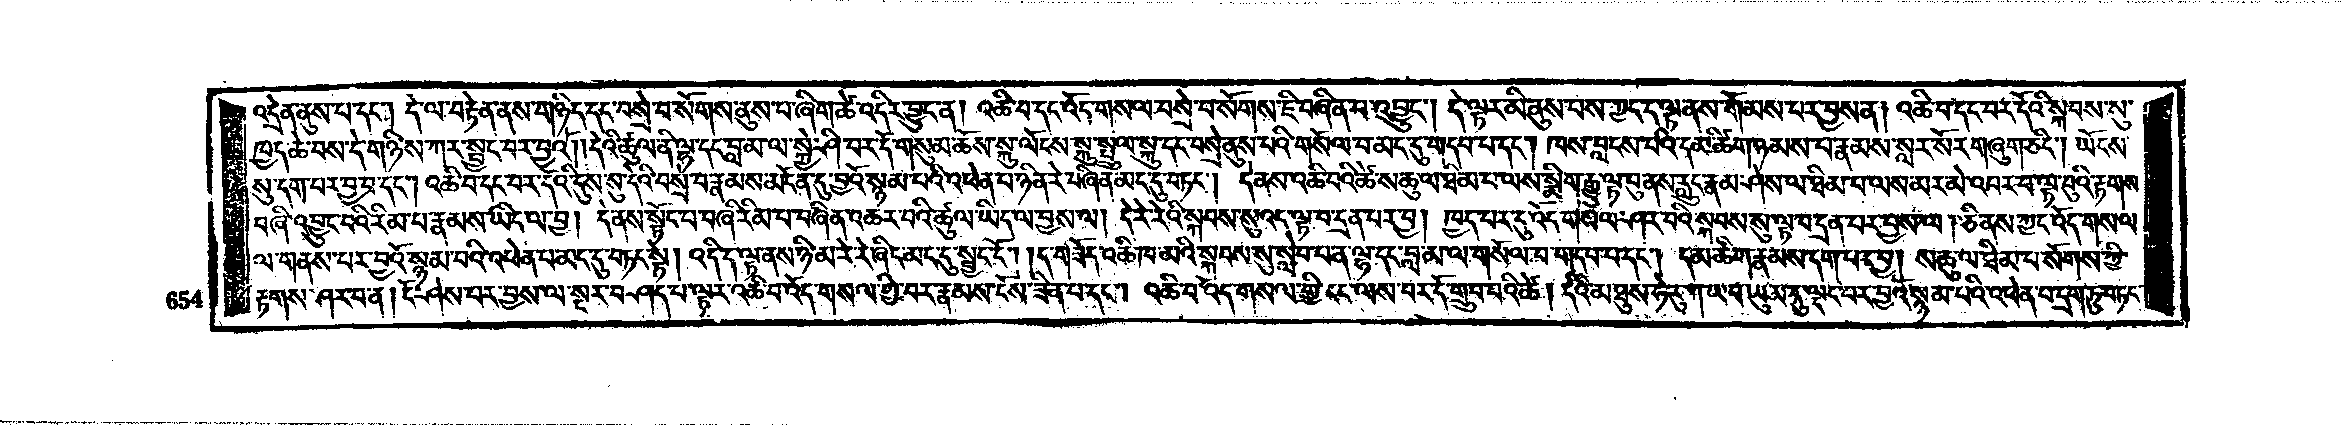འདྲེན་ནུས་པ་དང་། དེ་ལ་བརྟེན་ནས་གཉིད་དང་བསྲེ་བ་སོགས་ནུས་པ་ཞིག་ཚེ་འདིར་བྱུང་ན། འཆི་བ་དང་འོད་གསལ་བསྲེ་བ་སོགས་ཇི་བཞིན་པ་འབྱུང་། དེ་ལྟར་མི་ནུས་པས་ཀྱང་ད་ལྟ་ནས་གོམས་པར་བྱས་ན། འཆི་བ་དང་བར་དེའི་སྐབས་སུ་
ཁྱད་ཆེ་བས་དེ་གཉིས་ཀར་སྦྱང་བར་བྱའོ། །དེའི་ཚུལ་ནི་ལྷ་དང་བླ་མ་ལ་སྐྱེ་ཤི་བར་དོ་གསུམ་ཆོས་སྐུ་ལོངས་སྐུ་སྤྲུལ་སྐུ་དང་བསྲེ་ནུས་པའི་གསོལ་བ་མང་དུ་གདབ་པ་དང་། ཁས་བླངས་པའི་དམ་ཚིག་ཉམས་པ་རྣམས་སླར་སོར་གཞུག་ཅིང་། ཡོངས་
སུ་དག་པར་བྱ་བ་དང་། འཆི་བ་དང་བར་དེའི་དུས་སུ་དེའི་བསྲེ་བ་རྣམས་མངོན་དུ་བྱའོ་སྙམ་པའི་འཕེན་པ་ཉིན་རེ་བཞིན་མང་དུ་བཏང་། དེ་ནས་འཆི་བའི་ཚེ་ས་ཆུ་ལ་ཐིམ་པ་ལས་སྨིག་རྒྱུ་ལྟ་བུ་ནས་རླུང་རྣམ་ཤེས་ལ་ཐིམ་པ་ལས་མར་མེ་འབར་བ་ལྟ་བུའི་རྟགས་
བཞི་འབྱུང་བའི་རིམ་པ་རྣམས་ཡིད་ལ་བྱ། དེ་ནས་སྟོང་པ་བཞི་རིམ་པ་བཞིན་འཆར་བའི་ཚུལ་ཡིད་ལ་བྱས་ལ། དེ་རེ་རེའི་སྐབས་སུའང་ལྟ་བ་དྲན་པར་བྱ། ཁྱད་པར་དུ་འོད་གསལ་ཤར་བའི་སྐབས་སུ་ལྟ་བ་དྲན་པར་བྱས་ལ། ཅི་ནས་ཀྱང་འོད་གསལ་
ལ་གནས་པར་བྱའོ་སྙམ་པའི་འཕེན་པ་མང་དུ་བཏང་སྟེ། འདི་ད་ལྟ་ནས་ཉི་མ་རེ་རེ་ཞིང་མང་དུ་སྦྱང་ངོ། །ད་གཟོད་འཆི་ཁ་མའི་སྐབས་སུ་སླེབ་པ་ན་ལྷ་དང་བླ་མ་ལ་གསོལ་བ་གདབ་པ་དང་། དམ་ཚིག་རྣམས་དག་པར་བྱ། ས་ཆུ་ལ་ཐིམ་པ་སོགས་ཀྱི་
རྟགས་ཤར་བ་ན། ངོ་ཤེས་པར་བྱས་ལ་སྔར་བཤད་པ་ལྟར་འཆི་བ་འོད་གསལ་གྱི་བར་རྣམས་ངོས་ཟིན་པ་དང་། འཆི་བ་འོད་གསལ་གྱི་ངང་ལས་བར་དོ་གྲུབ་པའི་ཚེ། དེའི་མཐུས་ཧེ་རུ་ཀ་ཡབ་ཡུམ་དུ་ལྡང་བར་བྱའོ་སྙམ་པའི་འཕེན་པ་དྲག་ཏུ་བཏང་